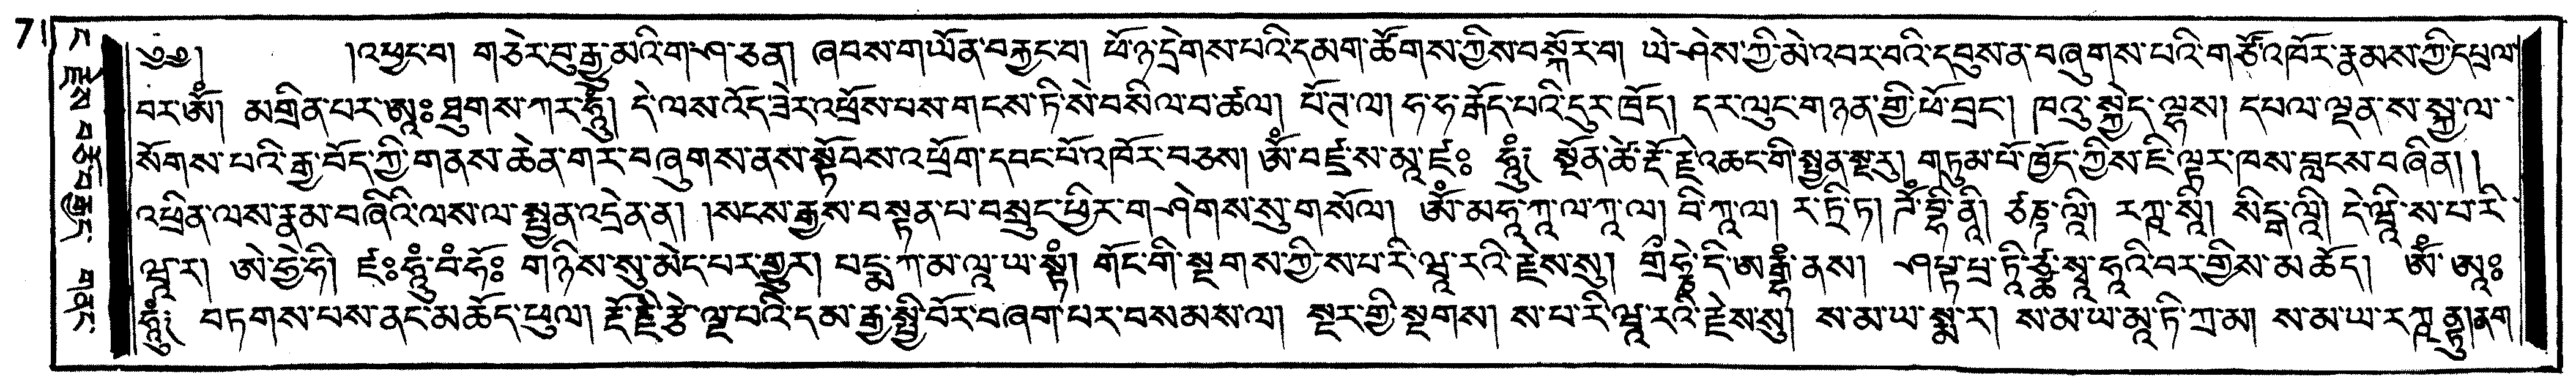༄༅། །འཕྱང་བ། གཅེར་བུ་རྒྱུ་མའི་ག་ཤ་ཅན། ཞབས་གཡོན་བརྐྱང་བ། ཕོ་ཉ་དྲེགས་པའི་དམག་ཚོགས་ཀྱིས་བསྐོར་བ། ཡེ་ཤེས་ཀྱི་མེ་འབར་བའི་དབུས་ན་བཞུགས་པའི་གཙོ་འཁོར་རྣམས་ཀྱི་དཔྲལ་
བར་ཨོཾ། མགྲིན་པར་ཨཱཿ ཐུགས་ཀར་ཧཱུཾ། དེ་ལས་འོད་ཟེར་འཕྲོས་པས་གངས་ཏི་སེ་བསིལ་བ་ཚལ། པོ་ཊ་ལ། ཧ་ཧ་རྒོད་པའི་དུར་ཁྲོད། དར་ལུང་གཉན་གྱི་ཕོ་བྲང་། ཁའུ་སྐྱེད་ལྷས། དཔལ་ལྡན་ས་སྐྱ་ལ་
སོགས་པའི་རྒྱ་བོད་ཀྱི་གནས་ཆེན་གར་བཞུགས་ནས་སྟོབས་འཕྲོག་དབང་པོ་འཁོར་བཅས། ཨོཾ་བྫྲ་ས་མཱ་ཛཿ ཧཱུཾ༑ སྔོན་ཚེ་རྡོ་རྗེ་འཆང་གི་སྤྱན་སྔ་རུ། གཏུམ་པོ་ཁྱོད་ཀྱིས་ཇི་ལྟར་ཁས་བླངས་བཞིན། །
འཕྲིན་ལས་རྣམ་བཞིའི་ལས་ལ་སྤྱན་འདྲེན་ན། །སངས་རྒྱས་བསྟན་པ་བསྲུང་ཕྱིར་གཤེགས་སུ་གསོལ། ཨོཾ་མྷཱ་ཀཱ་ལ་ཀཱ་ལ། བི་ཀཱ་ལ། ར་ཏྲི་ཏ། ཌོཾ་བྷི་ནཱི། ཙཎྜ་ལཱི། རཀྵ་སཱི། སིངྒ་ལཱི། དེ་ཝཱི་ས་པ་རི་
ཝཱ་ར། ཨེ་ཧྱེ་ཧི། ཛཿ ཧཱུཾ་བཾ་ཧོཿ གཉིས་སུ་མེད་པར་གྱུར། པདམ་ཀ་མ་ལཱ་ཡ་སྟཾ། གོང་གི་སྔགས་ཀྱི་ས་པ་རི་ཝཱ་རའི་རྗེས་སུ། གྲྀཧྞེ་དི་ཨརྒྷཾ་ནས། ཤཔྟ་པྲ་ཏཱི་ཙྪ་སྭཱ་ཧཱའི་བར་གྱིས་མཆོད། ཨོཾ་ཨཱཿ
ཧཱུཾ༑ བཏགས་པས་ནང་མཆོད་ཕུལ། རྡོ་རྗེ་རྩེ་ལྔ་པའི་དམ་རྒྱ་སྤྱི་བོར་བཞག་པར་བསམས་ལ། སྔར་གྱི་སྔགས། ས་པ་རི་ཝཱ་རའི་རྗེས་སུ། ས་མ་ཡ་སྨ་ར། ས་མ་ཡ་མཱ་ཏི་ཀྲ་མ། ས་མ་ཡ་རཀྵནྟུ། ནག་